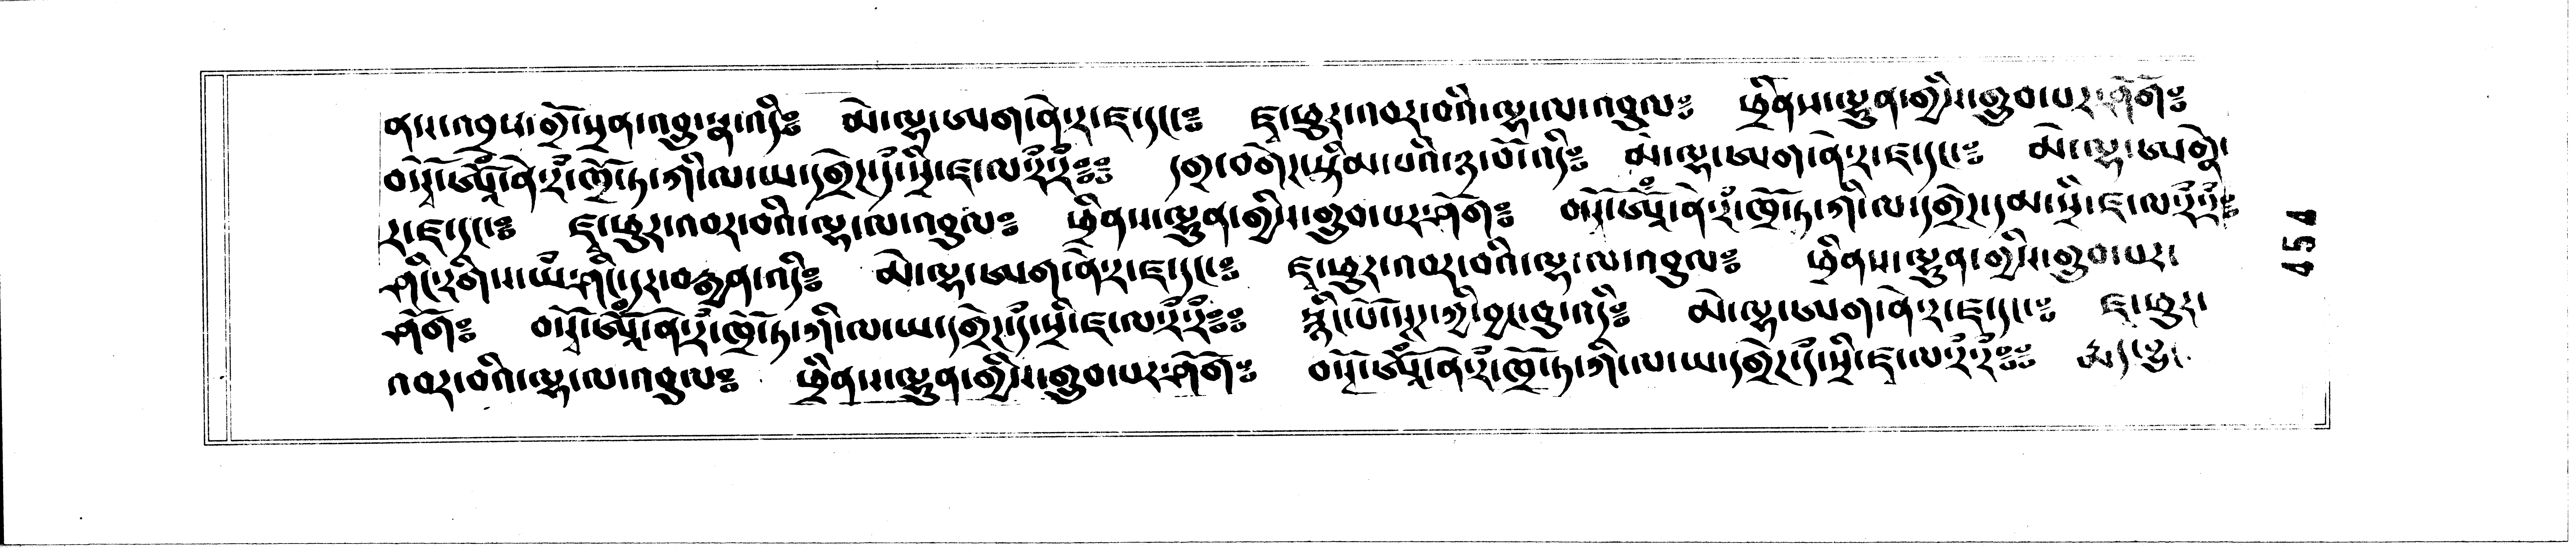ནས་འབྲས་གྲོ་སྲན་འབྲུ་སྣ་འདི༔ མེ་ལྷ་ཨག་ནེ་ར་ཛྭ་དང༔ཛྭ་ཕུར་འབར་བའི་ལྷ་ལ་འབུལ༔ ཕྲིན་ལས་ལྷུན་གྱིས་གྲུབ་པར་ཤོག༔
 བསྭོ་ཨཱོཾ་ནེ་རཾ་ཁྲོ་ཏ་ཀི་ལ་ཡ་དགྲེགས་དམ་སྲི་ཛ་ལ་རཾ་རཾ༔༔ དགྲ་བགེགས་སྟིམ་པའི་ཉ་བོ་འདི༔ མེ་ལྷ་ཨག་ནེ་
ར་ཛྭ་དང༔ ཛྭ་ཕུར་འབར་བའི་ལྷ་ལ་འབུལ༔ ཕྲིན་ལས་ལྷུན་གྱིས་གྲུབ་པར་ཤོག༔བསྭོ་ཨཱོཾ་ནེ་རཾ་ཁྲོ་ཏ་ཀི་ལ་ཡ་དགྲེགས་དམ་སྲི་ཛ་ལ་རཾ་རཾ༔༔
 ཤིང་རིགས་ཡམ་ཤིང་དར་བརྒྱན་འདི༔ མེ་ལྷ་ཨག་ནེ་ར་ཛྭ་དང༔ཛྭ་ཕུར་འབར་བའི་ལྷ་ལ་འབུལ༔ཕྲིན་ལས་ལྷུན་གྱིས་གྲུབ་པར་
ཤོག༔བསྭོ་ཨཱོཾ་ནེ་རཾ་ཁྲོ་ཏ་ཀི་ལ་ཡ་དགྲེགས་དམ་སྲི་ཛ་ལ་རཾ་རཾ༔༔སྙིང་པོ་སྔགས་ཀྱི་བྱང་བུ་འདི༔མེ་ལྷ་ཨག་ནེ་ར་ཛྭ་དང༔ཛྭ་ཕུར་
འབར་བའི་ལྷ་ལ་འབུལ༔ཕྲིན་ལས་ལྷུན་གྱིས་གྲུབ་པར་ཤོག༔བསྭོ་ཨཱོཾ་ནེ་རཾ་ཁྲོ་ཏ་ཀི་ལ་ཡ་དགྲེགས་དམ་སྲི་ཛ་ལ་རཾ་རཾ༔༔རྨད་བྱུང་